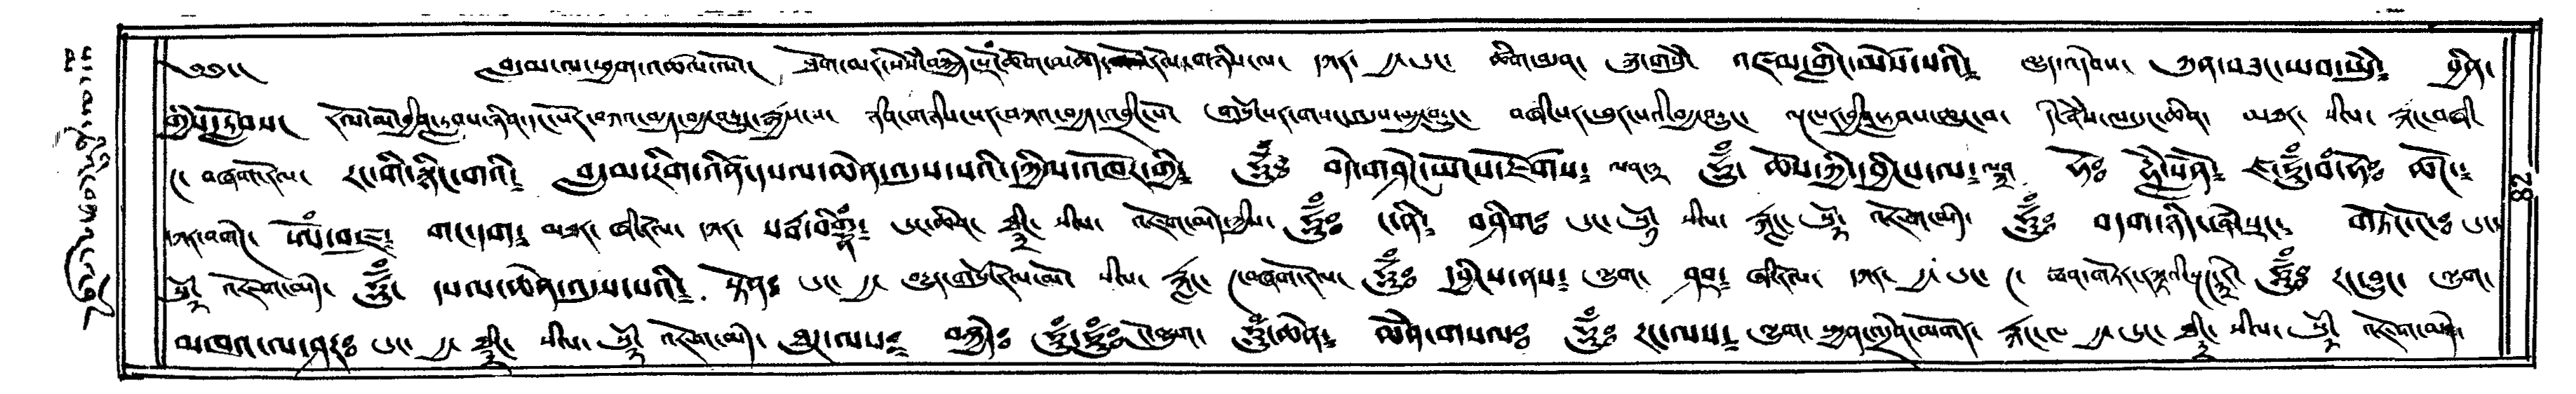༨༢༽ བླ་མ་ལ་ཕྱག་འཚལ་ལོ། ཐོག་མར་སེམས་བསྐྱེད་སྡོམ་ཆོག་གི་མཆོད་རོལ་གཉིས་ལ། དཀར། རྒྱ། དུང། ཚིག་བདུན། སྐུ་གསུམ། འཛམ་གླིང་མཛེས་པའི༴ བརྒྱུད་འདེབས། ཀུན་བཟང་ཡབ་ཡུམ༴ བྱིན་
གྱིས་རློབས། རོལ་མོ་བྱིན་རླབས་ཉིན་དང་པོར་བཀའ་བརྒྱད་བརྒྱ་རྡུང་རྒྱས་པ། ཉིན་གཉིས་པར་བཀའ་བརྒྱད་འབྲིང་པོ། གསུམ་པར་གསང་འདུས་བརྒྱ་རྡུང་། ལྔ་པར་བྱིན་རླབས་ཆུང་བ། དེ་རྣམས་ལ་དུང་ཆེན། མཐར། ཟིལ། རྐང་བཞི། 
རྔ། བཞག་རོལ། རང་གི་སྙིང་གའི༴ བླ་མ་རིག་འཛིན་དཔལ་ཆེན་འདུས་པའི་དཀྱིལ་འཁོར་གྱི༴ ཧཱུྃཿ བདེ་གཤེགས་ཡོངས་རྫོགས༴ ལན་གསུམ། ཧཱུྃཿ ཆོས་ཀྱི་དབྱིངས་ལ༴ ལན་གསུམ། ཧོཿ རྡོ་རྗེ་སློབ་དཔོན༴ ཛ་ཧཱུྃ་བཾ་ཧོཿ ཚོགས༴ 
དཀར་བགེགས། ཨོཾ་བཛྲ༴ གང་དག༴ མཐར། ཞི་རོལ། དཀར། སརྦ་བིགྷྣཾ༴ དུང་ཆེན། ཐིང་གསུམ། སིལ། འཇོག་མེད་ཀྱིས། ཧཱུྃཿ ང་ནི༴ བཤིགཿ དུང་། སུམ་གཅིག སིལ། རྐང་བཞི། སུམ་གཉིས། འཇོག་མེད། ཧཱུྃཿ བདག་ཉིད་ཞེ་སྡང༴ གཏོང་ངོཿ དུང་། 
སུམ་གཉིས། འཇོག་མེད། ཧཱུྃཿ དཔལ་ཆེན་འདུས་པའི༴ སྟོནཿ དུང་། རྒྱ། བརྒྱུད་གསུམ་རོལ་མོ། སིལ། རྐང་བཞི། ཌཱ། བཞག་རོལ། ཧཱུྃཿ དབྱིངས་ནས༴ ལྷུག ཤབྡ༴ ཞི་རོལ། དཀར། རྒྱ། དུང་། ཌཱ། སྨན་གཏོར་རཀྟའི་སྔགས་གསུམ་རེ། ཧཱུྃཿ རང་བྱུང༴ ལྷུག 
མཁའ་ལ་ཤརཿ དུང་། རྒྱ། ཐིང་གསུམ། སིལ། སུམ་གཉིས། འཇོག་མེད། ཐུགས་ལས༴ བསྐྱེདཿ ཧཱུྃ་ཧཱུྃཿ ལྷུག ཧཱུྃ་ཆེན༴ ཆེན་པོ་གསལཿ ཧཱུྃཿ རང་ལས༴ ལྷུག སྤྱན་འདྲེན་མགོར། རྐང་བཞི། རྒྱ། དུང། ཐིང་གསུམ། སིལ། སུམ་གཉིས། འཇོག་མེད་